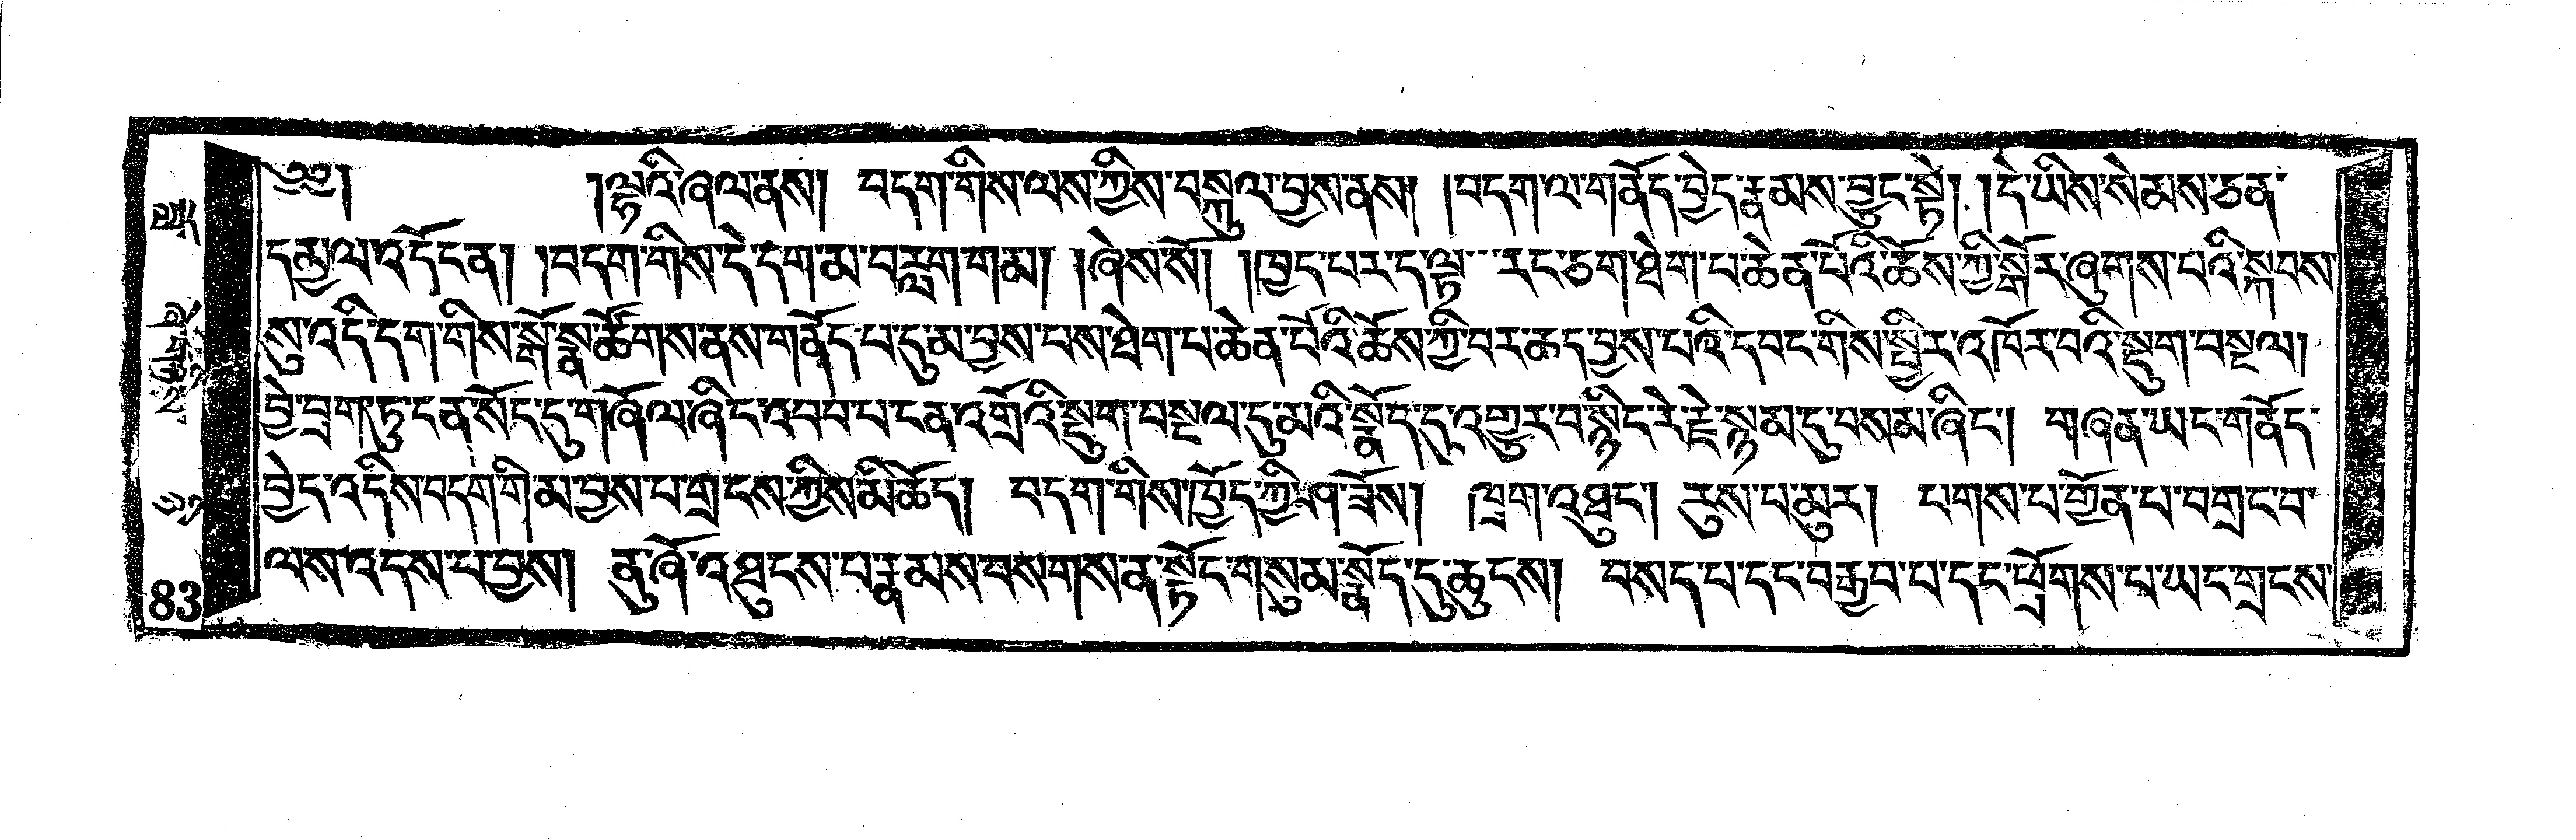༄༅། །ལྷའི་ཞལ་ནས། བདག་གིས་ལས་ཀྱིས་བསྐུལ་བྱས་ནས། །བདག་ལ་གནོད་བྱེད་རྣམས་བྱུང་སྟེ། །དེ་ཡིས་སེམས་ཅན་
དམྱལ་འདོད་ན། །བདག་གིས་དེ་དག་མ་བརླག་གམ། །ཞེས་སོ། །ཁྱད་པར་ད་ལྟ་རང་ཅག་ཐེག་པ་ཆེན་པོའི་ཆོས་ཀྱི་སྒོར་ཞུགས་པའི་སྐབས་
སུ་འདི་དག་གིས་སྒོ་སྣ་ཚོགས་ནས་གནོད་པ་དུ་མ་བྱས་པས་ཐེག་པ་ཆེན་པོའི་ཆོས་ཀྱི་བར་ཆད་བྱས་པའི་དབང་གིས་སྤྱིར་འཁོར་བའི་སྡུག་བསྔལ།
བྱེ་བྲག་ཏུ་ངན་སོང་དུ་གཞོལ་ཞིང་འབབ་པ་ངན་འགྲོའི་སྡུག་བསྔལ་དུ་མའི་སྣོད་དུ་འགྱུར་བ་སྙིང་རེ་རྗེ་སྙམ་དུ་བསམ་ཞིང་། གཞན་ཡང་གནོད་
བྱེད་འདིས་བདག་གི་མ་བྱས་པ་གྲངས་ཀྱིས་མི་ཆོད། བདག་གིས་ཁྱོད་ཀྱི་ཤ་ཟོས། ཁྲག་འཐུང་། རུས་པ་མུར། པགས་པ་གྱོན་པ་བགྲང་བ་
ལས་འདས་པ་བྱས། ནུ་ཞོ་འཐུངས་པ་རྣམས་བསགས་ན་སྟོང་གསུམ་སྣོད་དུ་ཆུངས། བསད་པ་དང་བརྒྱབ་པ་དང་ཕྲོགས་པ་ཡང་གྲངས་